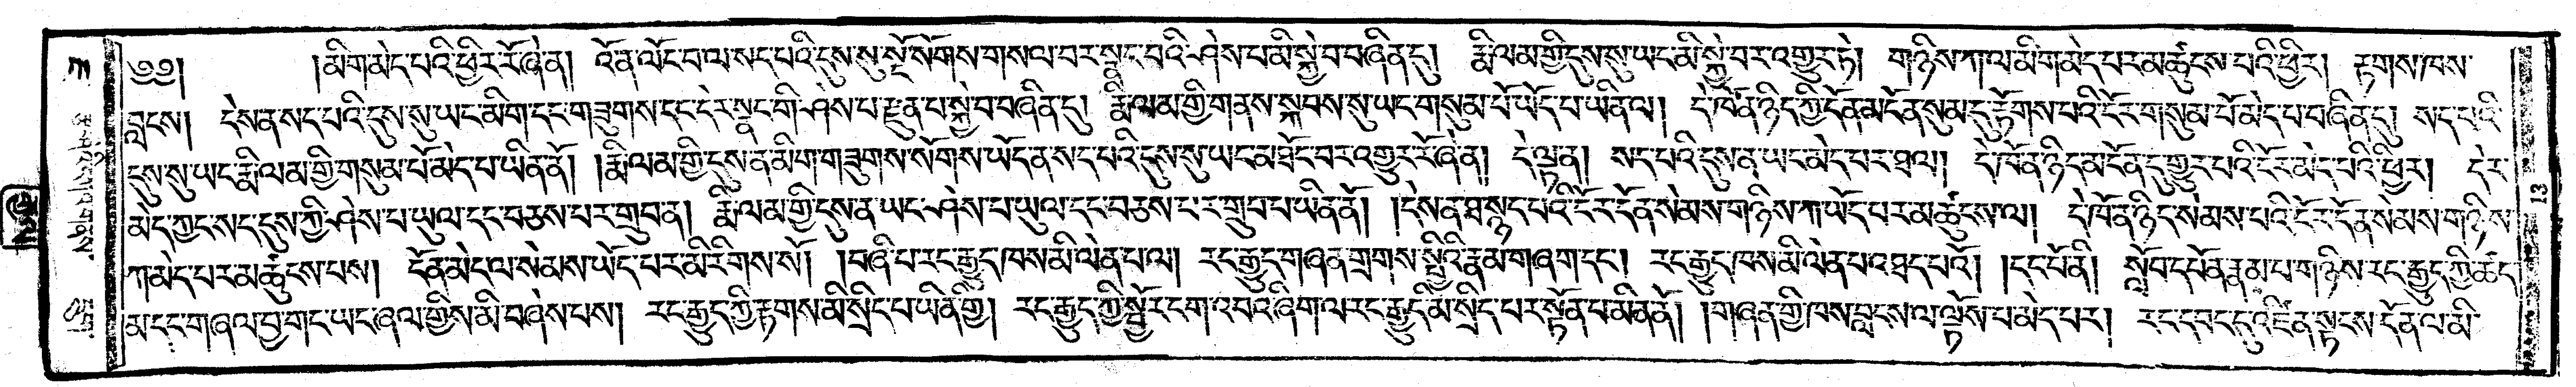༄༅། །མིག་མེད་པའི་ཕྱིར་རོ་ཞེ་ན། འོ་ན་ལོང་བ་ལ་སད་པའི་དུས་སུ་སྔོ་སོགས་གསལ་བར་སྣང་བའི་ཤེས་པ་མི་སྐྱེ་བ་བཞིན་དུ། རྨི་ལམ་གྱི་དུས་སུ་ཡང་མི་སྐྱེ་བར་འགྱུར་ཏེ། གཉིས་ཀ་ལ་མིག་མེད་པར་མཚུངས་པའི་ཕྱིར། རྟགས་ཁས་
བླངས། དེས་ན་སད་པའི་དུས་སུ་ཡང་མིག་དང་གཟུགས་དང་དེར་སྣང་གི་ཤེས་པ་རྫུན་པ་སྐྱེ་བ་བཞིན་དུ། རྨི་ལམ་གྱི་གནས་སྐབས་སུ་ཡང་གསུམ་པོ་ཡོད་པ་ཡིན་ལ། དེ་ཁོ་ན་ཉིད་ཀྱི་དོན་མངོན་སུམ་དུ་རྟོགས་པའི་ངོར་གསུམ་པོ་མེད་པ་བཞིན་དུ། སད་པའི་
དུས་སུ་ཡང་རྨི་ལམ་གྱི་གསུམ་པོ་མེད་པ་ཡིན་ནོ། །རྨི་ལམ་གྱི་དུས་ན་མིག་གཟུགས་སོགས་ཡོད་ན་སད་པའི་དུས་སུ་ཡང་མཐོང་བར་འགྱུར་རོ་ཞེ་ན། དེ་ལྟ་ན། སད་པའི་དུས་ན་ཡང་མེད་པར་ཐལ། དེ་ཁོ་ན་ཉིད་མངོན་དུ་གྱུར་པའི་ངོར་མེད་པའི་ཕྱིར། དེར་
མེད་ཀྱང་སད་དུས་ཀྱི་ཤེས་པ་ཡུལ་དང་བཅས་པར་གྲུབ་ན། རྨི་ལམ་གྱི་དུས་ན་ཡང་ཤེས་པ་ཡུལ་དང་བཅས་པར་གྲུབ་པ་ཡིན་ནོ། །དེས་ན་ཐ་སྙད་པའི་ངོར་དོན་སེམས་གཉིས་ཀ་ཡོད་པར་མཚུངས་ལ། དེ་ཁོ་ན་ཉིད་སེམས་པའི་ངོར་དོན་སེམས་གཉིས་
ཀ་མེད་པར་མཚུངས་པས། དོན་མེད་ལ་སེམས་ཡོད་པར་མི་རིགས་སོ། །བཞི་པ་རང་རྒྱུད་ཁས་མི་ལེན་པ་ལ། རང་རྒྱུད་གཞན་གྲགས་སྤྱིའི་རྣམ་གཞག་དང་། རང་རྒྱུད་ཁས་མི་ལེན་པ་འཐད་པའོ། །དང་པོ་ནི། སློབ་དཔོན་རྣམ་པ་གཉིས་རང་རྒྱུད་ཀྱི་ཚད་
མ་དང་གཞལ་བྱ་གང་ཡང་ཞལ་གྱིས་མི་བཞེས་པས། རང་རྒྱུད་ཀྱི་རྟགས་མི་སྲིད་པ་ཡིན་གྱི། རང་རྒྱུད་ཀྱི་སྦྱོར་ངག་འབའ་ཞིག་ལ་རང་རྒྱུད་མི་སྲིད་པར་སྟོན་པ་མིན་ནོ། །གཞན་གྱི་ཁས་བླངས་ལ་ལྟོས་པ་མེད་པར། རང་དབང་དུ་འཛིན་སྟངས་དོན་ལ་མི་